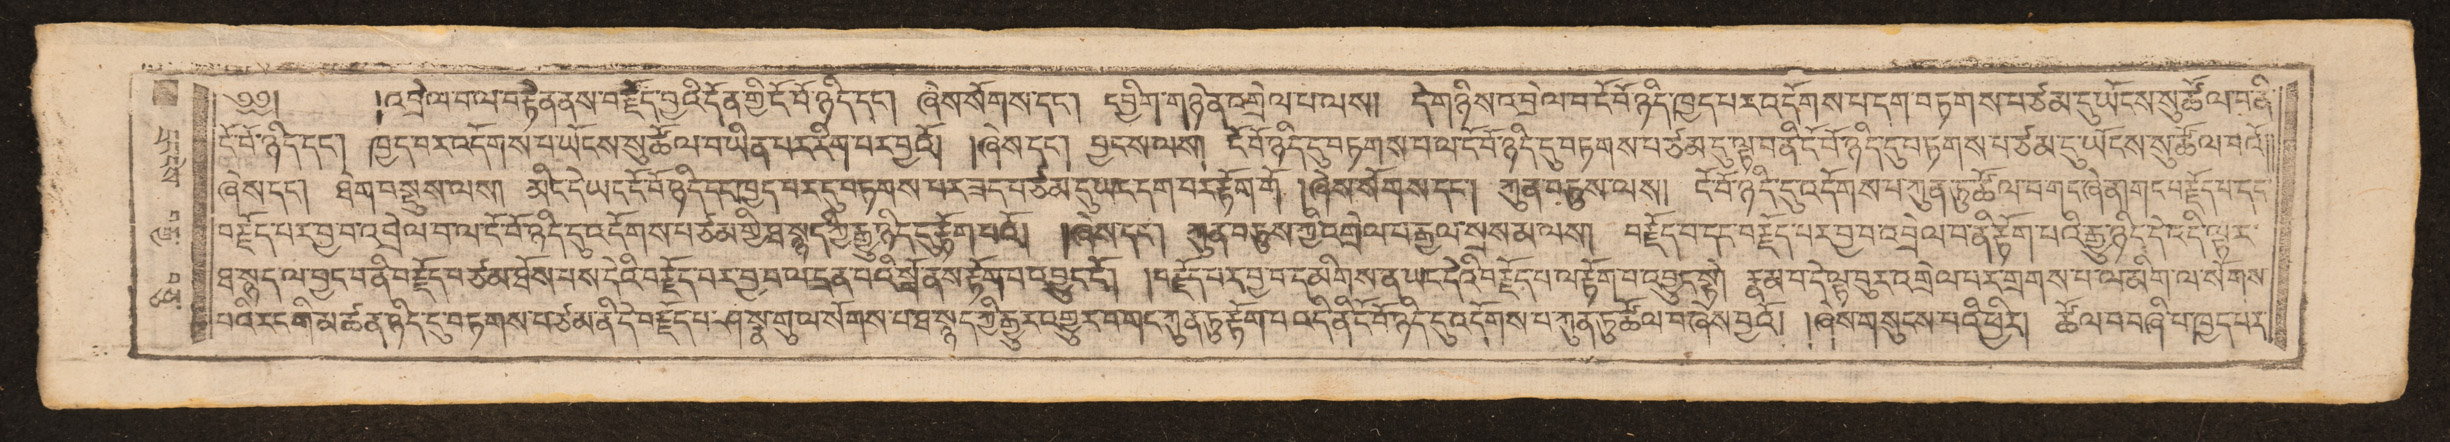༄༅། །འབྲེལ་བ་ལ་བརྟེན་ནས་བརྗོད་བྱའི་དོན་གྱི་ངོ་བོ་ཉིད་དང་། ཞེས་སོགས་དང་། དབྱིག་གཉེན་འགྲེལ་པ་ལས། དེ་གཉིས་འབྲེལ་བ་ངོ་བོ་ཉིད་ཁྱད་པར་འདོགས་པ་དག་བཏགས་པ་ཙམ་དུ་ཡོངས་སུ་ཚོལ་བ་ནི་
ངོ་བོ་ཉིད་དང་། ཁྱད་པར་འདོགས་པ་ཡོངས་སུ་ཚོལ་བ་ཡིན་པར་རིག་པར་བྱའོ། །ཞེས་དང་། བྱང་ས་ལས། ངོ་བོ་ཉིད་དུ་བཏགས་པ་ལ་ངོ་བོ་ཉིད་དུ་བཏགས་པ་ཙམ་དུ་ལྟ་བ་ནི་ངོ་བོ་ཉིད་དུ་བཏགས་པ་ཙམ་དུ་ཡོངས་སུ་ཚོལ་པའོ།།
ཞེས་དང་། ཐེག་བསྡུས་ལས། མིང་དེ་ཡང་ངོ་བོ་ཉིད་དང་ཁྱད་པར་དུ་བཏགས་པར་ཟད་པ་ཙམ་དུ་ཡང་དག་པར་རྟོག་གོ །ཞེས་སོགས་དང་། ཀུན་བཏུས་ལས། ངོ་བོ་ཉིད་དུ་འདོགས་པ་ཀུན་ཏུ་ཚོལ་བ་གང་ཞེ་ན། གང་བརྗོད་པ་དང་
བརྗོད་པར་བྱ་བ་འབྲེལ་བ་ལ་ངོ་བོ་ཉིད་དུ་འདོགས་པ་ཙམ་གྱི་ཐ་སྙད་ཀྱི་རྒྱུ་ཉིད་དུ་རྟོག་པའོ། །ཞེས་དང་། ཀུན་བཏུས་ཀྱི་འགྲེལ་བ་རྒྱལ་སྲས་མ་ལས། བརྗོད་པ་དང་བརྗོད་པར་བྱ་བ་འབྲེལ་བ་ནི་རྟོག་པའི་རྒྱུ་ཉིད་དེ་འདི་ལྟར་
ཐ་སྙད་ལ་བྱང་བ་ནི་བརྗོད་པ་ཙམ་ཐོས་བས་དེའི་བརྗོད་པར་བྱ་བ་ལ་དྲན་པའི་སྒོ་ནས་རྟོག་པ་འབྱུང་ངོ། །བརྗོད་པར་བྱ་བ་དམིགས་ན་ཡང་དེའི་བརྗོད་པ་ལ་རྟོག་པ་འབྱུང་སྟེ། རྣམ་པ་དེ་ལྟ་བུར་འགྲེལ་བར་གྲགས་པ་ལ་མིག་ལ་སོགས་
པའི་རང་གི་མཚན་ཉིད་དུ་བཏགས་པ་ཙམ་ནི་དེ་བརྗོད་པ་ཤ་སྣ་གུ་ལ་སོགས་པ་ཐ་སྙད་ཀྱི་རྒྱུར་འགྱུར་བ་གང་ཀུན་ཏུ་རྟོག་པ་འདི་ནི་ངོ་བོ་ཉིད་དུ་འདོགས་པ་ཀུན་ཏུ་ཚོལ་བ་ཞེས་བྱའོ། །ཞེས་གསུངས་པའི་ཕྱིར། ཚོལ་བ་བཞི་པ་ཁྱད་པར་